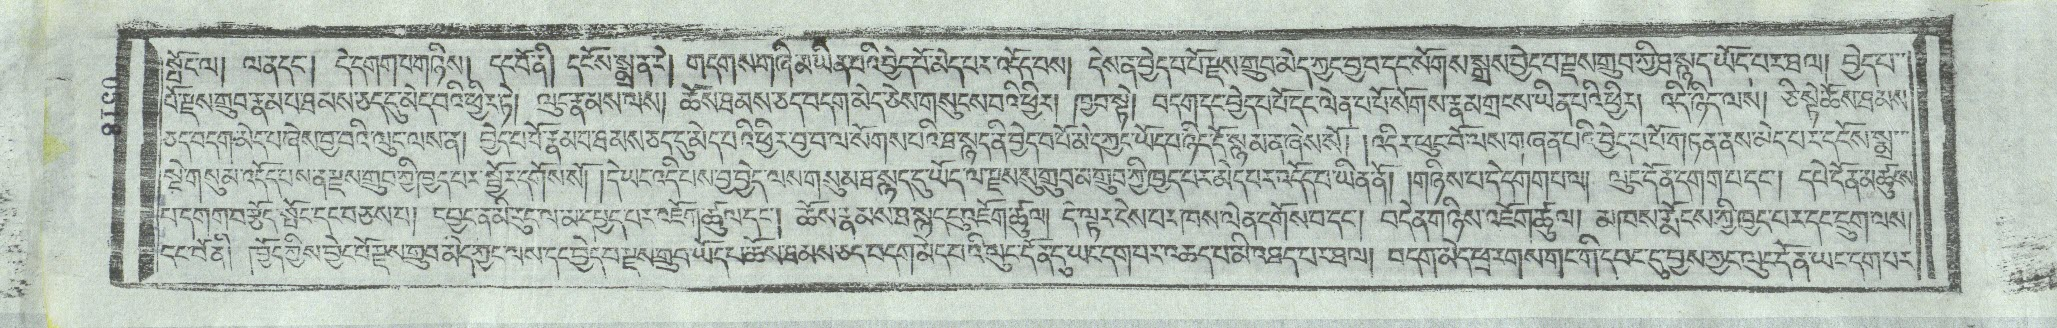སྤོང་ལ། ལན་དང་། དེ་དགག་པ་གཉིས། དང་པོ་ནི། དངོས་སྨྲ་ན་རེ། གདགས་གཞི་མ་ཡིན་པའི་བྱེད་པོ་མེད་པར་འདོད་པས། དེས་ན་བྱེད་པ་པོ་རྫས་གྲུབ་མེད་ཀྱང་བྱ་བ་དང་སོགས་སྒྲས་བྱེད་པ་རྫས་གྲུབ་ཀྱི་ཐ་སྙད་ཡོད་པར་ཐལ། བྱེད་པ་
པོ་རྫས་གྲུབ་རྣམ་པ་ཐམས་ཅད་དུ་མེད་པའི་ཕྱིར་ཏེ། ལུང་རྣམས་ལས། ཆོས་ཐམས་ཅད་བདག་མེད་ཅེས་གསུངས་པའི་ཕྱིར། ཁྱབ་སྟེ། བདག་དང་བྱེད་པ་པོ་དང་ལེན་པ་པོ་སོགས་རྣམ་གྲངས་ཡིན་པའི་ཕྱིར། འདི་ཉིད་ལས། ཅི་སྟེ་ཆོས་ཐམས་
ཅད་བདག་མེད་པ་ཞེས་བྱ་བའི་ལུང་ལས་ན། བྱེད་པ་པོ་རྣམ་པ་ཐམས་ཅད་དུ་མེད་པའི་ཕྱིར་བྱ་བ་ལ་སོགས་པའི་ཐ་སྙད་ནི་བྱེད་པ་པོ་མེད་ཀྱང་ཡོད་པ་ཉིད་དོ་སྙམ་ན་ཞེས་སོ། །འདིར་ཕུང་པོ་ལས་གཞན་པའི་བྱེད་པ་པོ་གཏན་ནས་མེད་པར་དངོས་སྨྲ་
སྡེ་གསུམ་འདོད་པས་ན་རྫས་གྲུབ་ཀྱི་ཁྱད་པར་སྦྱོར་དགོས་སོ། །དེ་ཡང་འདི་པས་བྱ་བྱེད་ལས་གསུམ་ཐ་སྙད་དུ་ཡོད་ལ་རྫས་སུ་གྲུབ་མ་གྲུབ་ཀྱི་ཁྱད་པར་མེད་པར་འདོད་པ་ཡིན་ནོ། །གཉིས་པ་དེ་དགག་པ་ལ། ལུང་དོན་དགག་པ་དང་། དཔེ་དོན་མཚུངས་
པ་དགག་པ་རྩོད་སྤོང་དང་བཅས་པ། དཔྱད་ན་མི་རུང་ལ་མ་དཔྱད་པར་འཇོག་ཚུལ་དང་། ཆོས་རྣམས་ཐ་སྙད་དུ་འཇོག་ཚུལ། དེ་ལྟར་ངེས་པར་ཁས་ལེན་དགོས་པ་དང་། བདེན་གཉིས་འཇོག་ཚུལ། མཁས་རྨོངས་ཀྱི་ཁྱད་པར་དང་དྲུག་ལས།
དང་པོ་ནི། ཁྱོད་ཀྱིས་བྱེད་པོ་རྫས་གྲུབ་མེད་ཀྱང་ལས་དང་བྱེད་པ་རྫས་གྲུབ་ཡོད་པ་ཆོས་ཐམས་ཅད་བདག་མེད་པའི་ལུང་དོན་དུ་ཡང་དག་པར་འཆད་པ་མི་འཐད་པར་ཐལ། བདག་མེད་ཕྲ་རགས་གང་གི་དབང་དུ་བྱས་ཀྱང་ལུང་དོན་ཡང་དག་པར་